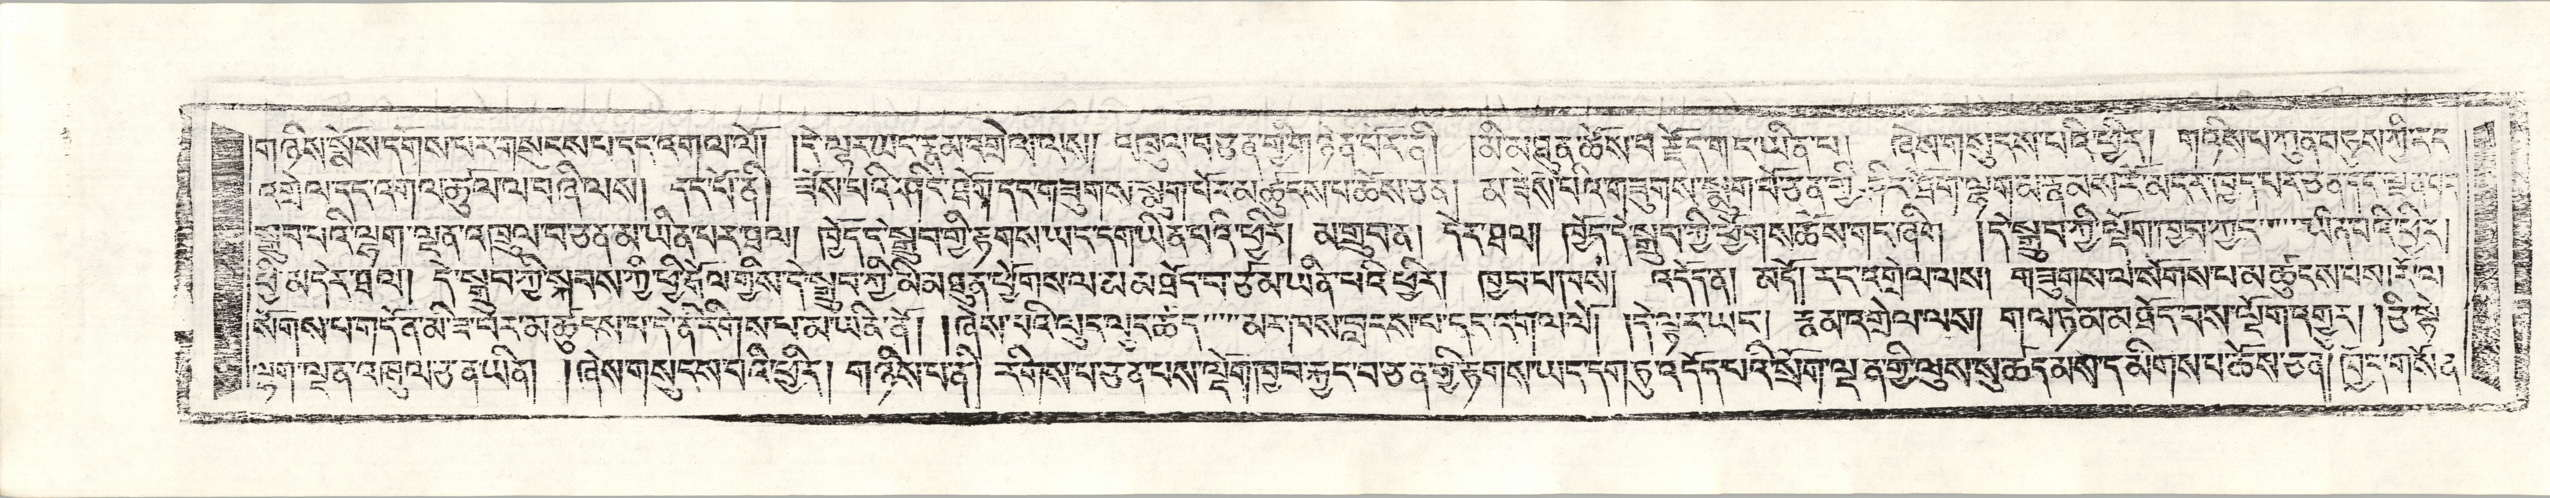གཉིས་སྨྲ་དགོས་པར་གསུངས་པ་དང་འགལ་ལོ། །དེ་ལྟར་ཡང་རྣམ་འགྲེལ་ལས། འཁྲུལ་བ་ཅན་གྱི་གཉེན་པོར་ནི། །མི་མཐུན་ཆོས་བརྗོད་གང་ཡིན་པ། ཞེས་གསུངས་པའི་ཕྱིར། གཉིས་པ་ཀུན་བཏུས་ཀྱི་རང་
འགྲེལ་དང་འགལ་ཚུལ་ལ་བཞི་ལས། དང་པོ་ནི། ཟོས་པའི་ཤིང་ཐོག་དང་གཟུགས་སྨུག་པོར་མཚུངས་པ་ཆོས་ཅན། མ་ཟོས་པའི་གཟུགས་སྨུག་པོ་ཅན་གྱི་ཤིང་ཐོག་ལྷག་མ་རྣམས་རོ་མངར་ཁྱད་པར་ཅན་དང་ལྡན་པར་
སྒྲུབ་པའི་ལྷག་ལྡན་འཁྲུལ་བ་ཅན་མ་ཡིན་པར་ཐལ། ཁྱོད་དེ་སྒྲུབ་གྱི་རྟགས་ཡང་དག་ཡིན་པའི་ཕྱིར། མ་གྲུབ་ན། དེར་ཐལ། ཁྱོད་དེ་སྒྲུབ་ཀྱི་ཕྱོགས་ཆོས་གང་ཞིག །དེ་སྒྲུབ་ཀྱི་ལྡོག་ཁྱབ་ཀྱང་ཡིན་པའི་ཕྱིར།
ཕྱི་མ་དེར་ཐལ། དེ་སྒྲུབ་ཀྱི་སྐབས་ཀྱི་ཕྱི་རྒོལ་གྱིས་དེ་སྒྲུབ་ཀྱི་མི་མཐུན་ཕྱོགས་ལ་མ་མཐོང་བ་ཙམ་ཡིན་པའི་ཕྱིར། ཁྱབ་པ་ཁས། འདོད་ན། མདོ་རང་འགྲེལ་ལས། གཟུགས་ལ་སོགས་པ་མཚུངས་པས། རོ་ལ་
སོགས་པ་གདོན་མི་ཟ་བར་མཚུངས་པ་དེ་ནི་རིགས་པ་མ་ཡིན་ནོ། །ཞེས་པའི་ལུང་ལུང་ཚད་མར་ཁས་བླངས་པ་དང་འགལ་ལོ། །དེ་ལྟར་ཡང་། རྣམ་འགྲེལ་ལས། གལ་ཏེ་མ་མཐོང་པས་ལྡོག་འགྱུར། །ཅི་སྟེ་
ལྷག་ལྡན་འཁྲུལ་ཅན་ཡིན། །ཞེས་གསུངས་པའི་ཕྱིར། གཉིས་པ་ནི། རིགས་པ་ཅན་པས་ལྡོག་ཁྱབ་རྐྱང་བ་ཅན་གྱི་རྟགས་ཡང་དག་ཏུ་འདོད་པའི་སྲོག་ལྡན་གྱི་ལུས་སུ་ཚད་མས་དམིགས་པ་ཆོས་ཅན། ཁྱོད་གསོན་